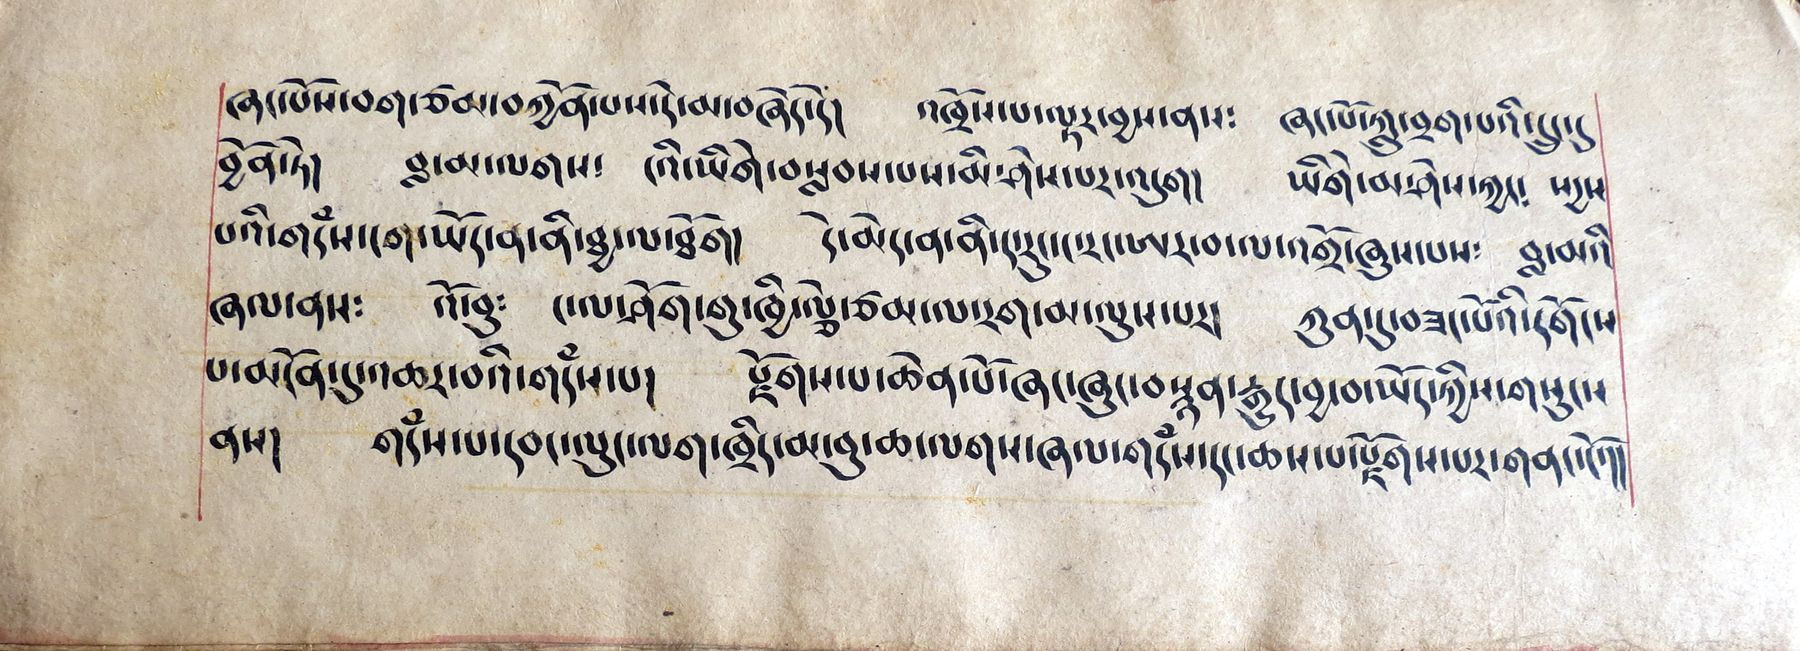ཞང་པོས་བག་ཙམ་བཀྱོན་པས་དེ་མ་བཞེད་དེ་འཁྲོས་པ་ལྟར་བྱས་ནས། ཞང་པོ་ཀླུ་བྲག་པའི་དྲུང་དུ་
བྱོན་ཏེ། བླ་མ་ལགས། ངས་ཡི་གེ་བསླབས་པས་ནི་མི་ཤེས་པར་འདུག ཡི་གེ་མི་ཤེས་ཀྱང་སངས་རྒྱས་
པའི་གདམས་པ་ཞིག་ཡོད་ན་ནི་ཐུགས་ལ་ཐོག དེ་མེད་ན་ནི་ད་རུང་ང་རང་ཨར་པ་ལ་འགྲོ་ཞུས་པས། བླ་མའི་
ཞལ་ནས། འོ་བུ་ང་ལ་ཤོག་གུ་ཁྱི་ལྕེ་ཙམ་ལ་རག་མ་ལུས་པར། ཀུན་ཏུ་བཟང་པོའི་དགོངས་
པ་མངོན་དུ་འཆར་པའི་གདམས་པ། རྫོགས་པ་ཆེན་པོ་ཞང་ཞུང་སྙན་རྒྱུད་བྱ་བ་ཡོད་ཀྱི་གསུངས་
ནས་གདམས་པ་དབང་ལུང་ལག་ཁྲིད་མ་བུ་ཆ་ལག་གཅིག་རྒྱུད་ཞལ་གདམས་དང་བཅས་པ་རྣམས་རྫོགས་པར་གནང་ངོ་། །